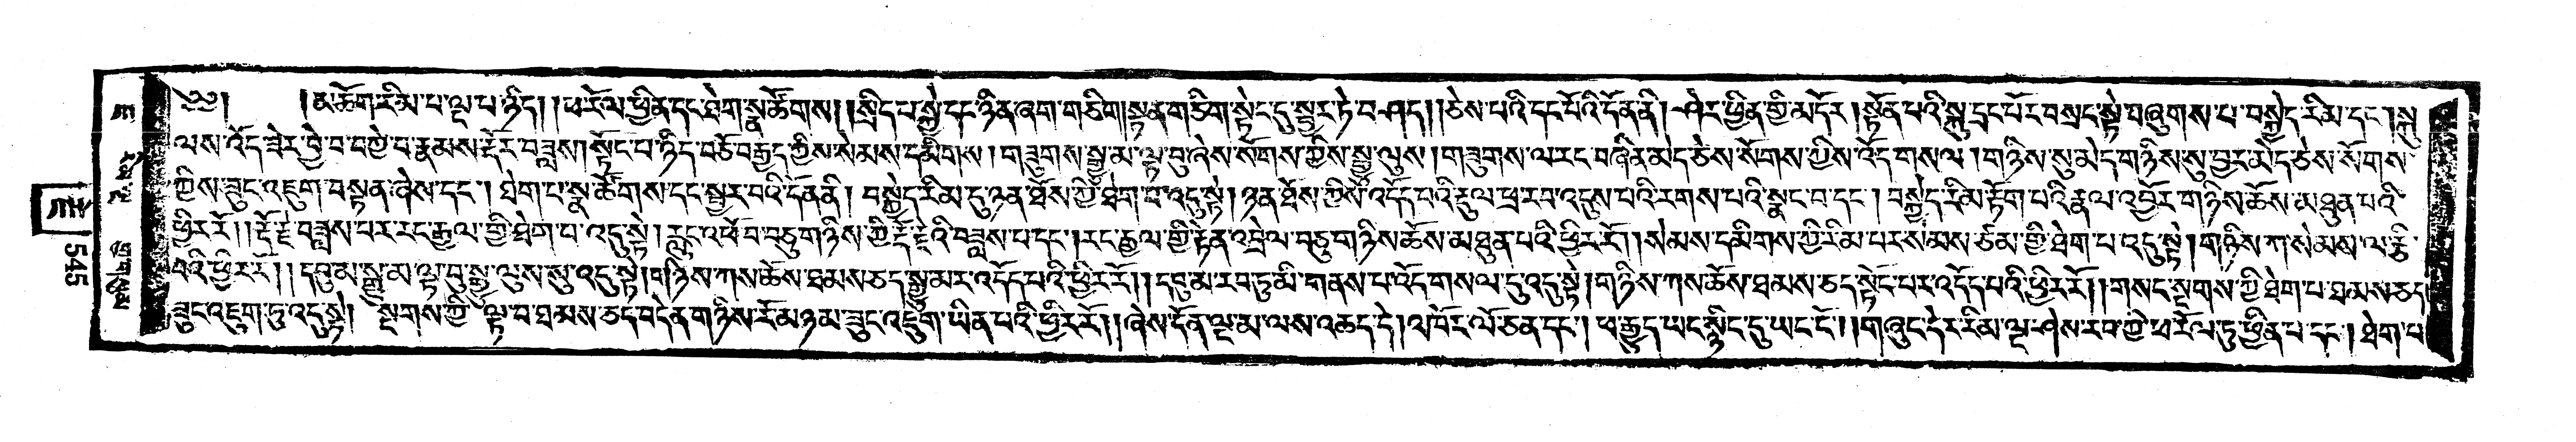༄༅། །མཆོག་རིམ་པ་ལྔ་པ་ཉིད། །ཕ་རོལ་ཕྱིན་དང་ཐེག་སྣ་ཚོགས། །སྲིད་པ་སྐྱེ་དང་ཉིན་ཞག་གཅིག །སྟན་གཅིག་སྟེང་དུ་སྦྱར་ཏེ་བཤད། །ཅེས་པའི་དང་པོའི་དོན་ནི། ཤེར་ཕྱིན་གྱི་མདོར། སྟོན་པའི་སྐུ་དྲང་པོར་བསྲེང་?་སྟེ་བཞུགས་པ་བསྐྱེད་རིམ་པ་དང་། སྐུ་
ལས་འོད་ཟེར་བྱ་བ་བཀྱེ་བ་རྣམས་རྡོར་བཟླས། སྟོང་པ་ཉིད་བཅོ་བརྒྱད་ཀྱིས་སེམས་དམིགས། གཟུགས་སྒྱུ་མ་ལྟ་བུ་ཞེས་སོགས་ཀྱི་སྒྱུ་ལུས། གཟུགས་ལ་རང་བཞིན་མེད་ཅེས་སོགས་ཀྱིས་འོད་གསལ་།གཉིས་སུ་མེད་གཉིས་སུ་བྱར་མེད་ཅེས་སོགས་
ཀྱིས་ཟུང་འཇུག་བསྟན་ཞེས་དང་། ཐེག་པ་སྣ་ཚོགས་དང་སྦྱར་བའི་དོན་ནི། བསྐྱེད་རིམ་དུ་ཉན་ཐོས་ཀྱི་ཐེག་པ་འདུ་སྟེ། ཉན་ཐོས་ཀྱིས་འདོད་པའི་རྡུལ་ཕྲ་རབ་འདུས་པའི་རིགས་པའི་སྣང་བ་དང་། བསྐྱེད་རིམ་རྟོག་པའི་རྣལ་འབྱོར་གཉིས་ཆོས་མཐུན་པའི་
ཕྱིར་རོ། །རྡོ་རྗེ་བཟླས་པར་རང་རྒྱལ་གྱི་ཐེག་པ་འདུ་སྟེ། རླུང་འཕོ་བ་བཅུ་གཉིས་ཀྱི་རྡོ་རྗེའི་བཟླས་པ་དང་། རང་རྒྱལ་གྱི་རྟེན་འབྲེལ་བཅུ་གཉིས་ཆོས་མཐུན་པའི་ཕྱིར་རོ། །སེམས་དམིགས་ཀྱི་རིམ་པར་སེམས་ཙམ་གྱི་ཐེག་པ་འདུ་སྟེ། གཉིས་ཀ་སེམས་ལ་རྩི་
བའི་ཕྱིར་རོ། །དབུ་མ་སྒྱུ་མ་ལྟ་བུ་སྒྱུ་ལུས་སུ་འདུ་སྟེ། གཉིས་ཀས་ཆོས་ཐམས་ཅད་སྒྱུ་མར་འདོད་པའི་ཕྱིར་རོ། །དབུ་མ་རབ་ཏུ་མི་གནས་པ་འོད་གསལ་དུ་འདུ་སྟེ། གཉིས་ཀས་ཆོས་ཐམས་ཅད་སྟོང་པར་འདོད་པའི་ཕྱིར་རོ། །གསང་སྔགས་ཀྱི་ཐེག་པ་ཐམས་ཅད་
ཟུང་འཇུག་ཏུ་འདུ་སྟེ། སྔགས་ཀྱི་ལྟ་བ་ཐམས་ཅད་བདེན་གཉིས་རོ་མཉམ་ཟུང་འཇུག་ཡིན་པའི་ཕྱིར་རོ། །ཞེས་དོན་ལྔ་མ་ལས་འཆད་དེ། འཁོར་ལོ་ཅན་དང་། ཕ་རྒྱུད་ཡང་སྙིང་དུ་ཡང་ངོ། །གཞུང་དེར་རིམ་ལྔ་ཤེས་རབ་ཀྱི་ཕ་རོལ་ཏུ་ཕྱིན་པ་དང་། ཐེག་པ་